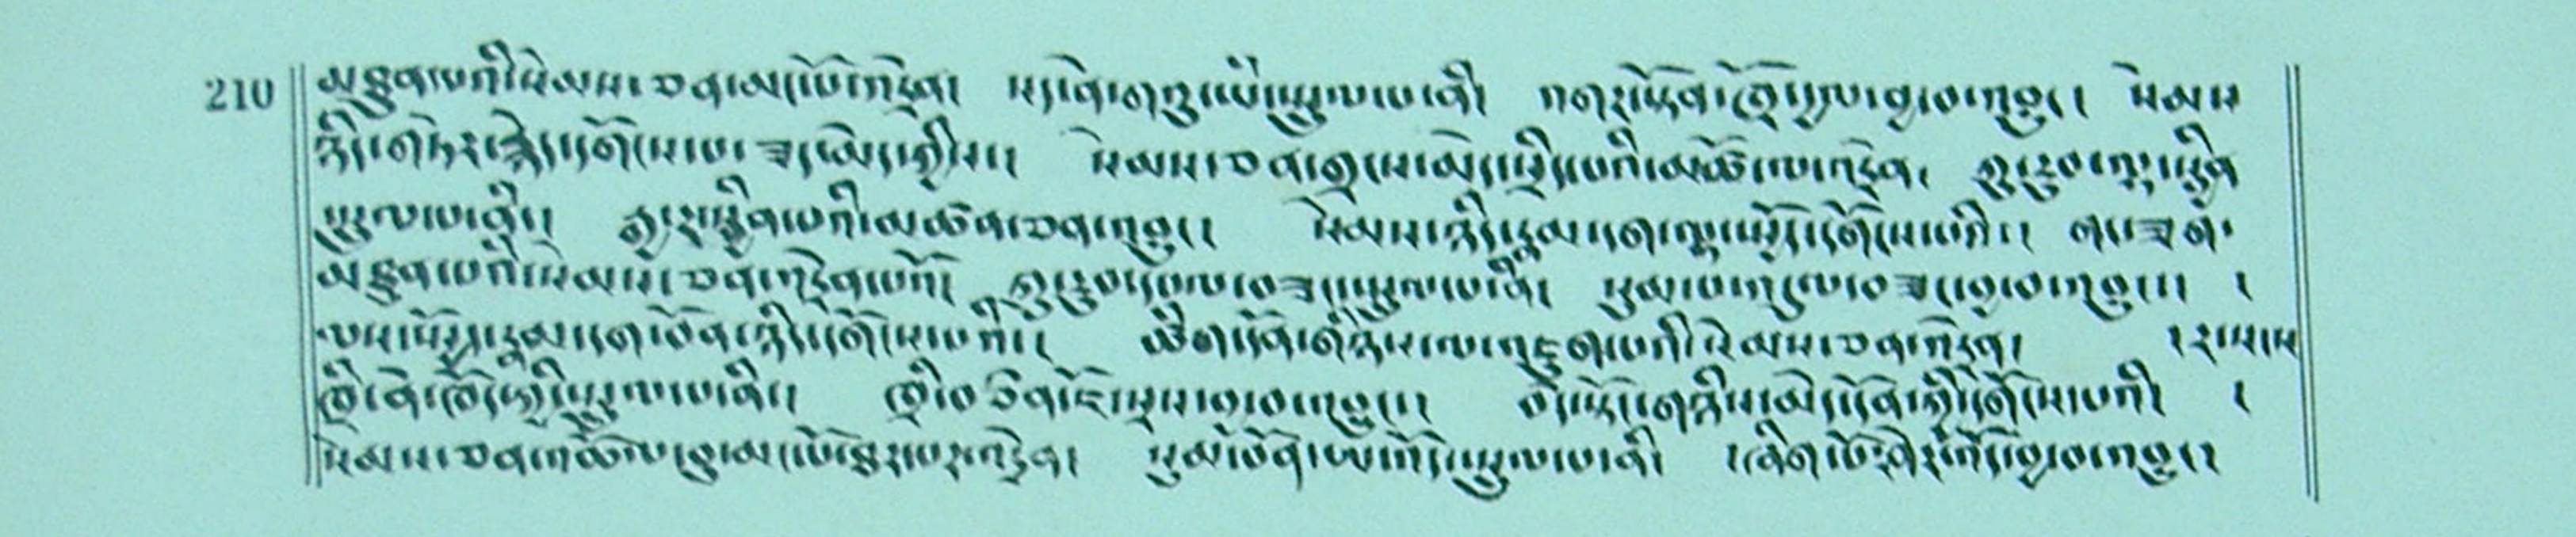མཐུན་པའི་སེམས་ཅན་མང་པོ་འདྲེན། སད་ནེ་གའུའི་སྤྲུལ་པ་ནི། འགར་སྟོན་ཁྲོ་རྒྱལ་བྱ་བ་འབྱུང་། སེམས་
ཉིད་གཏེར་རྙེད་དགོངས་པ་ཟད་མེད་ཀྱིས། སེམས་ཅན་གྲངས་མེད་སྲིད་པའི་མཚོ་ལས་འདྲེན། ཀུ་རུབ་ལྷ་སྦྱིན་
སྤྲུལ་པ་ནི། རྒྱ་ར་སྦྱིན་པའི་མཚན་ཅན་འབྱུང་། སེམས་ཉིད་རྣམ་དག་ལྟ་སྤྱོད་དགོངས་པ་ཡིས། གང་ཟག་
མཐུན་པའི་སེམས་ཅན་འདྲེན་པའོ། །ཀུ་རུབ་དཔལ་བཟང་སྤྲུལ་པ་ནི། སུམ་པ་འདུལ་བཟང་བྱ་བ་འབྱུང་། 
ལས་སྤྱོད་རྣམ་དག་བོན་ཉིད་དགོངས་པ་ཡིས། ཚིག་དོན་གཉིས་ལ་འཇུག་པའི་སེམས་ཅན་འདྲེན། ར་སངས་
ཁྲི་ནེ་ཁོད་ཀྱི་སྤྲུལ་པ་ནི། ཁྲི་བཙན་ཇོ་སྲས་བྱ་བ་འབྱུང་། བདེ་སྟོང་གཉིས་མེད་དོན་གྱི་དགོངས་པའི། 
སེམས་ཅན་འཆོལ་བུ་མང་བོ་ཐར་བར་འདྲེན། སུམ་བོན་ཨ་འོད་སྤྲུལ་པ་ནི། ཞིག་པོ་ཤེར་འོད་བྱ་བ་འབྱུང་།